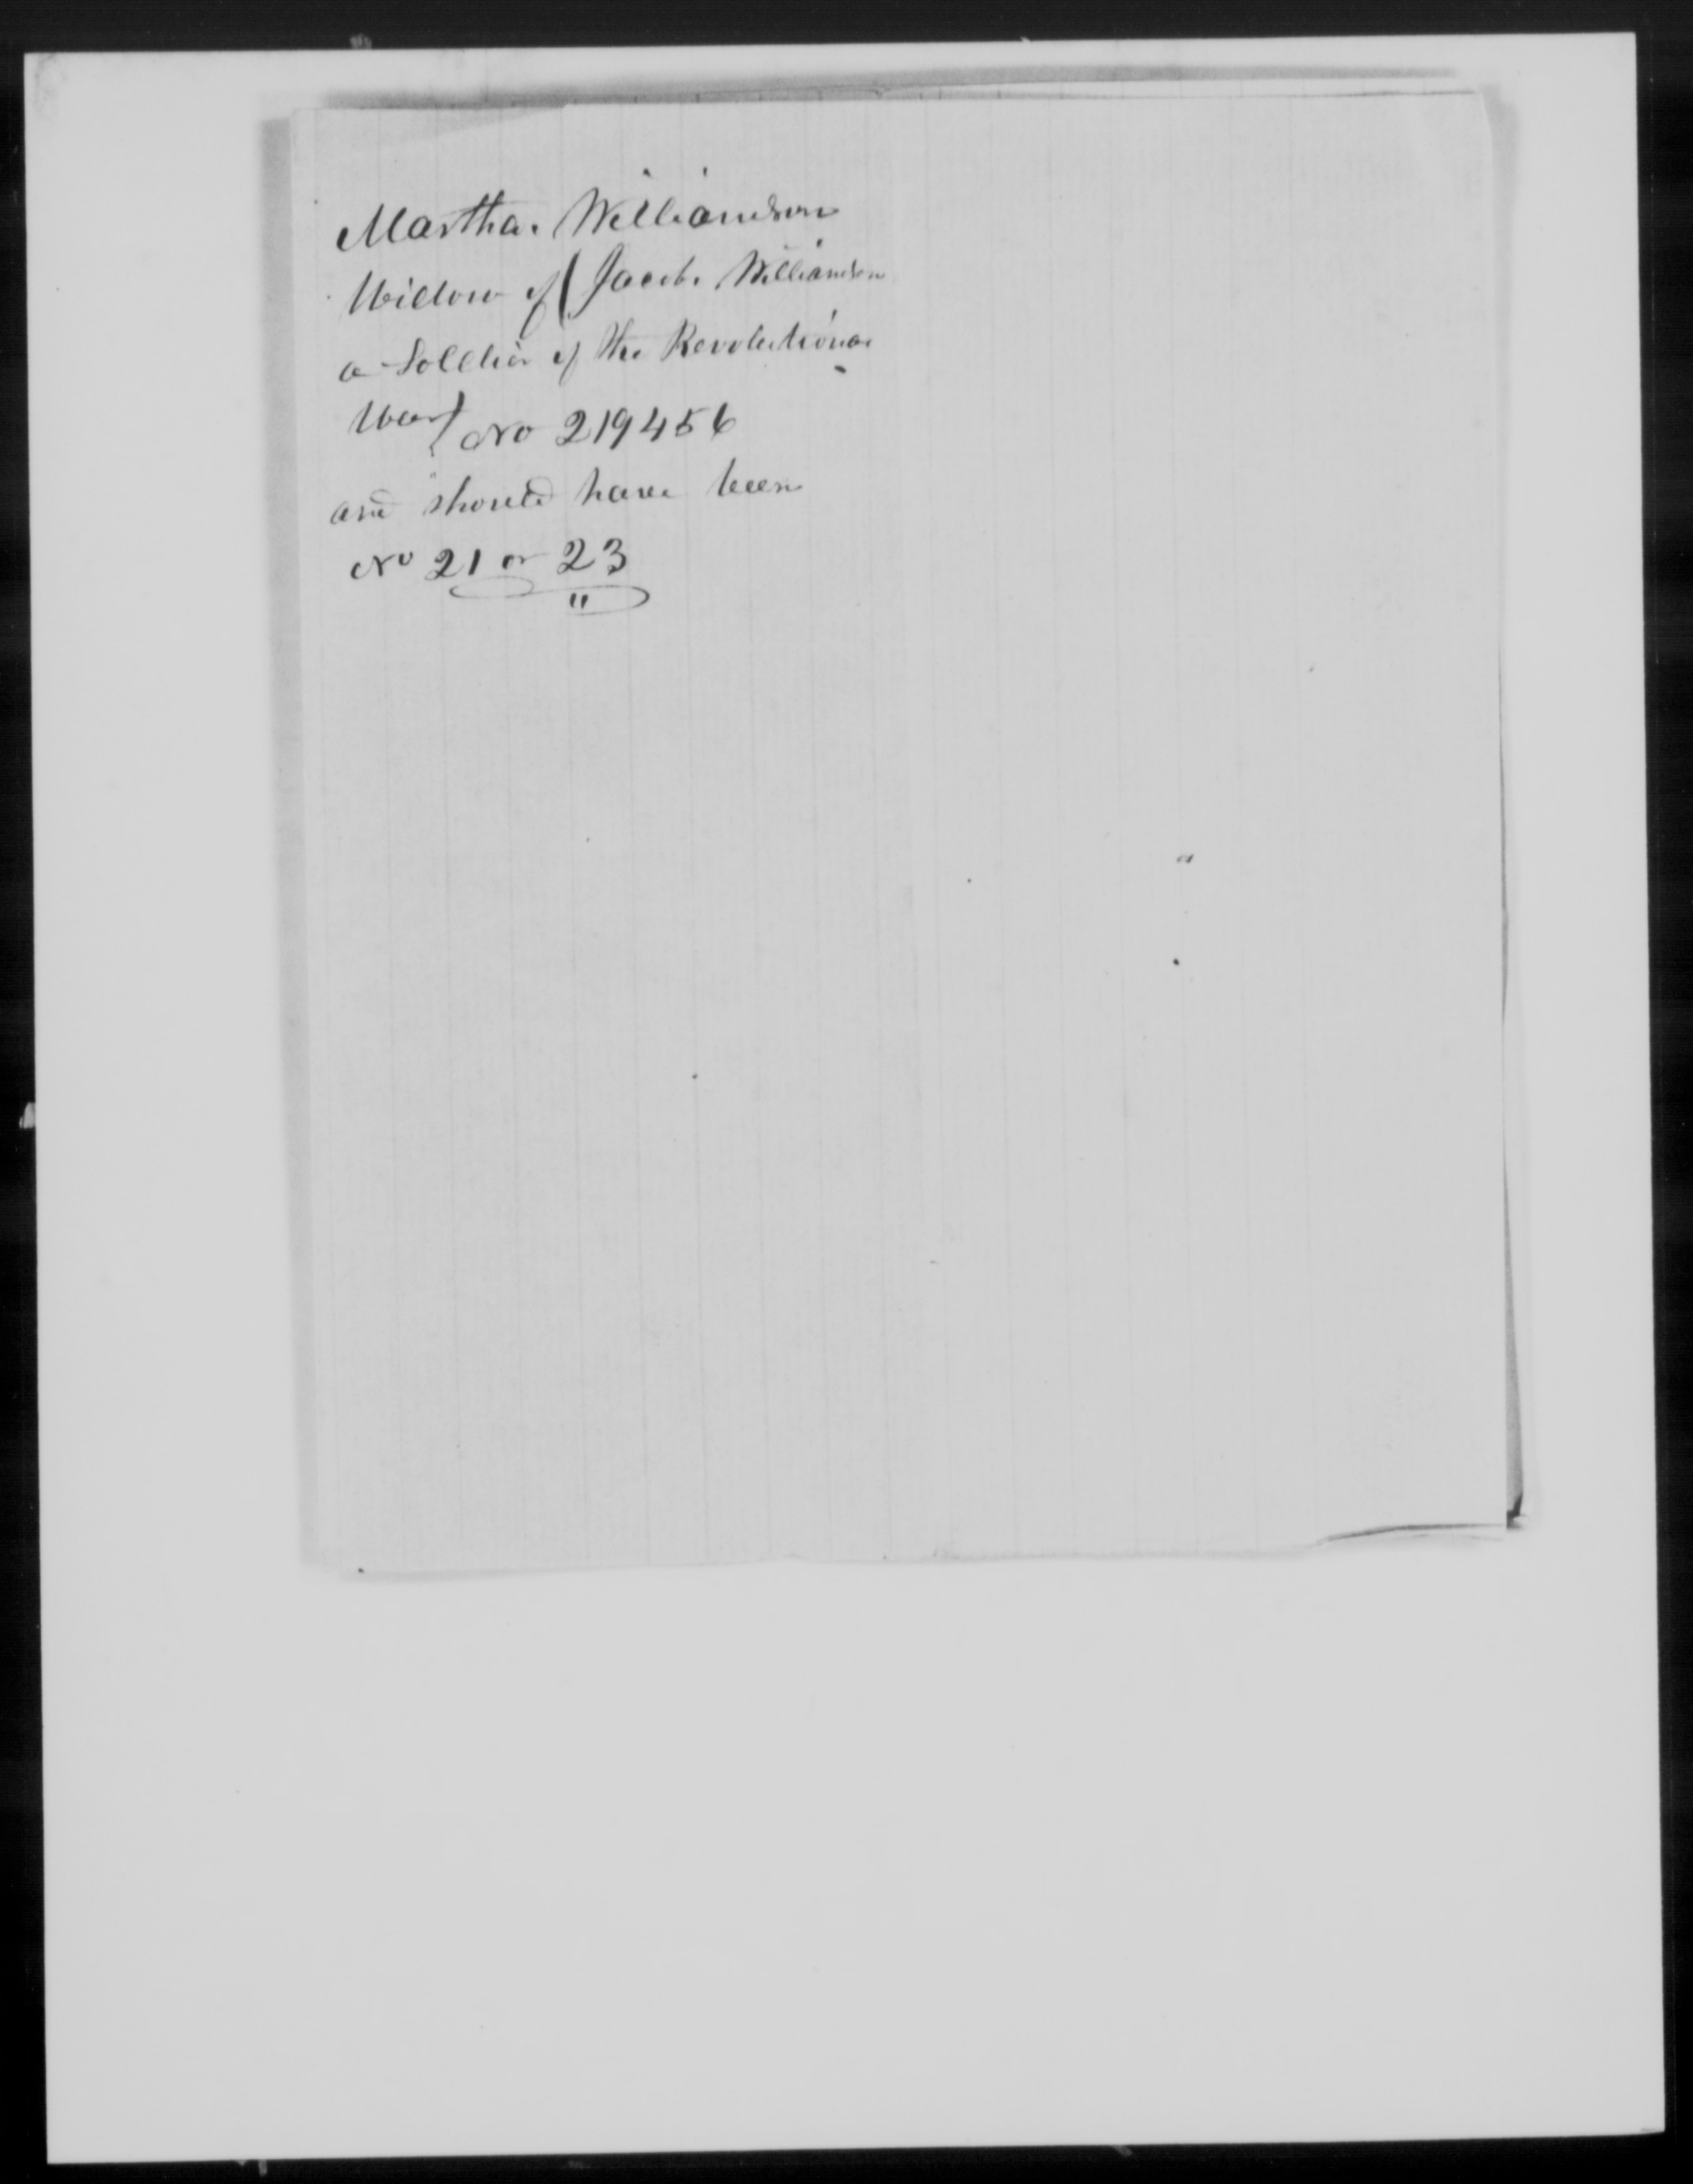Martha Williamson, widow of Jacob Williamson, a Soldier of the Revolution.
Warrant No. 219456.

And should have been No. 21 or 23.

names: Martha Williamson, Jacob Williamson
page: 32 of 67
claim: widow's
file: W. 2393, Jacob Williamson, New Jersey